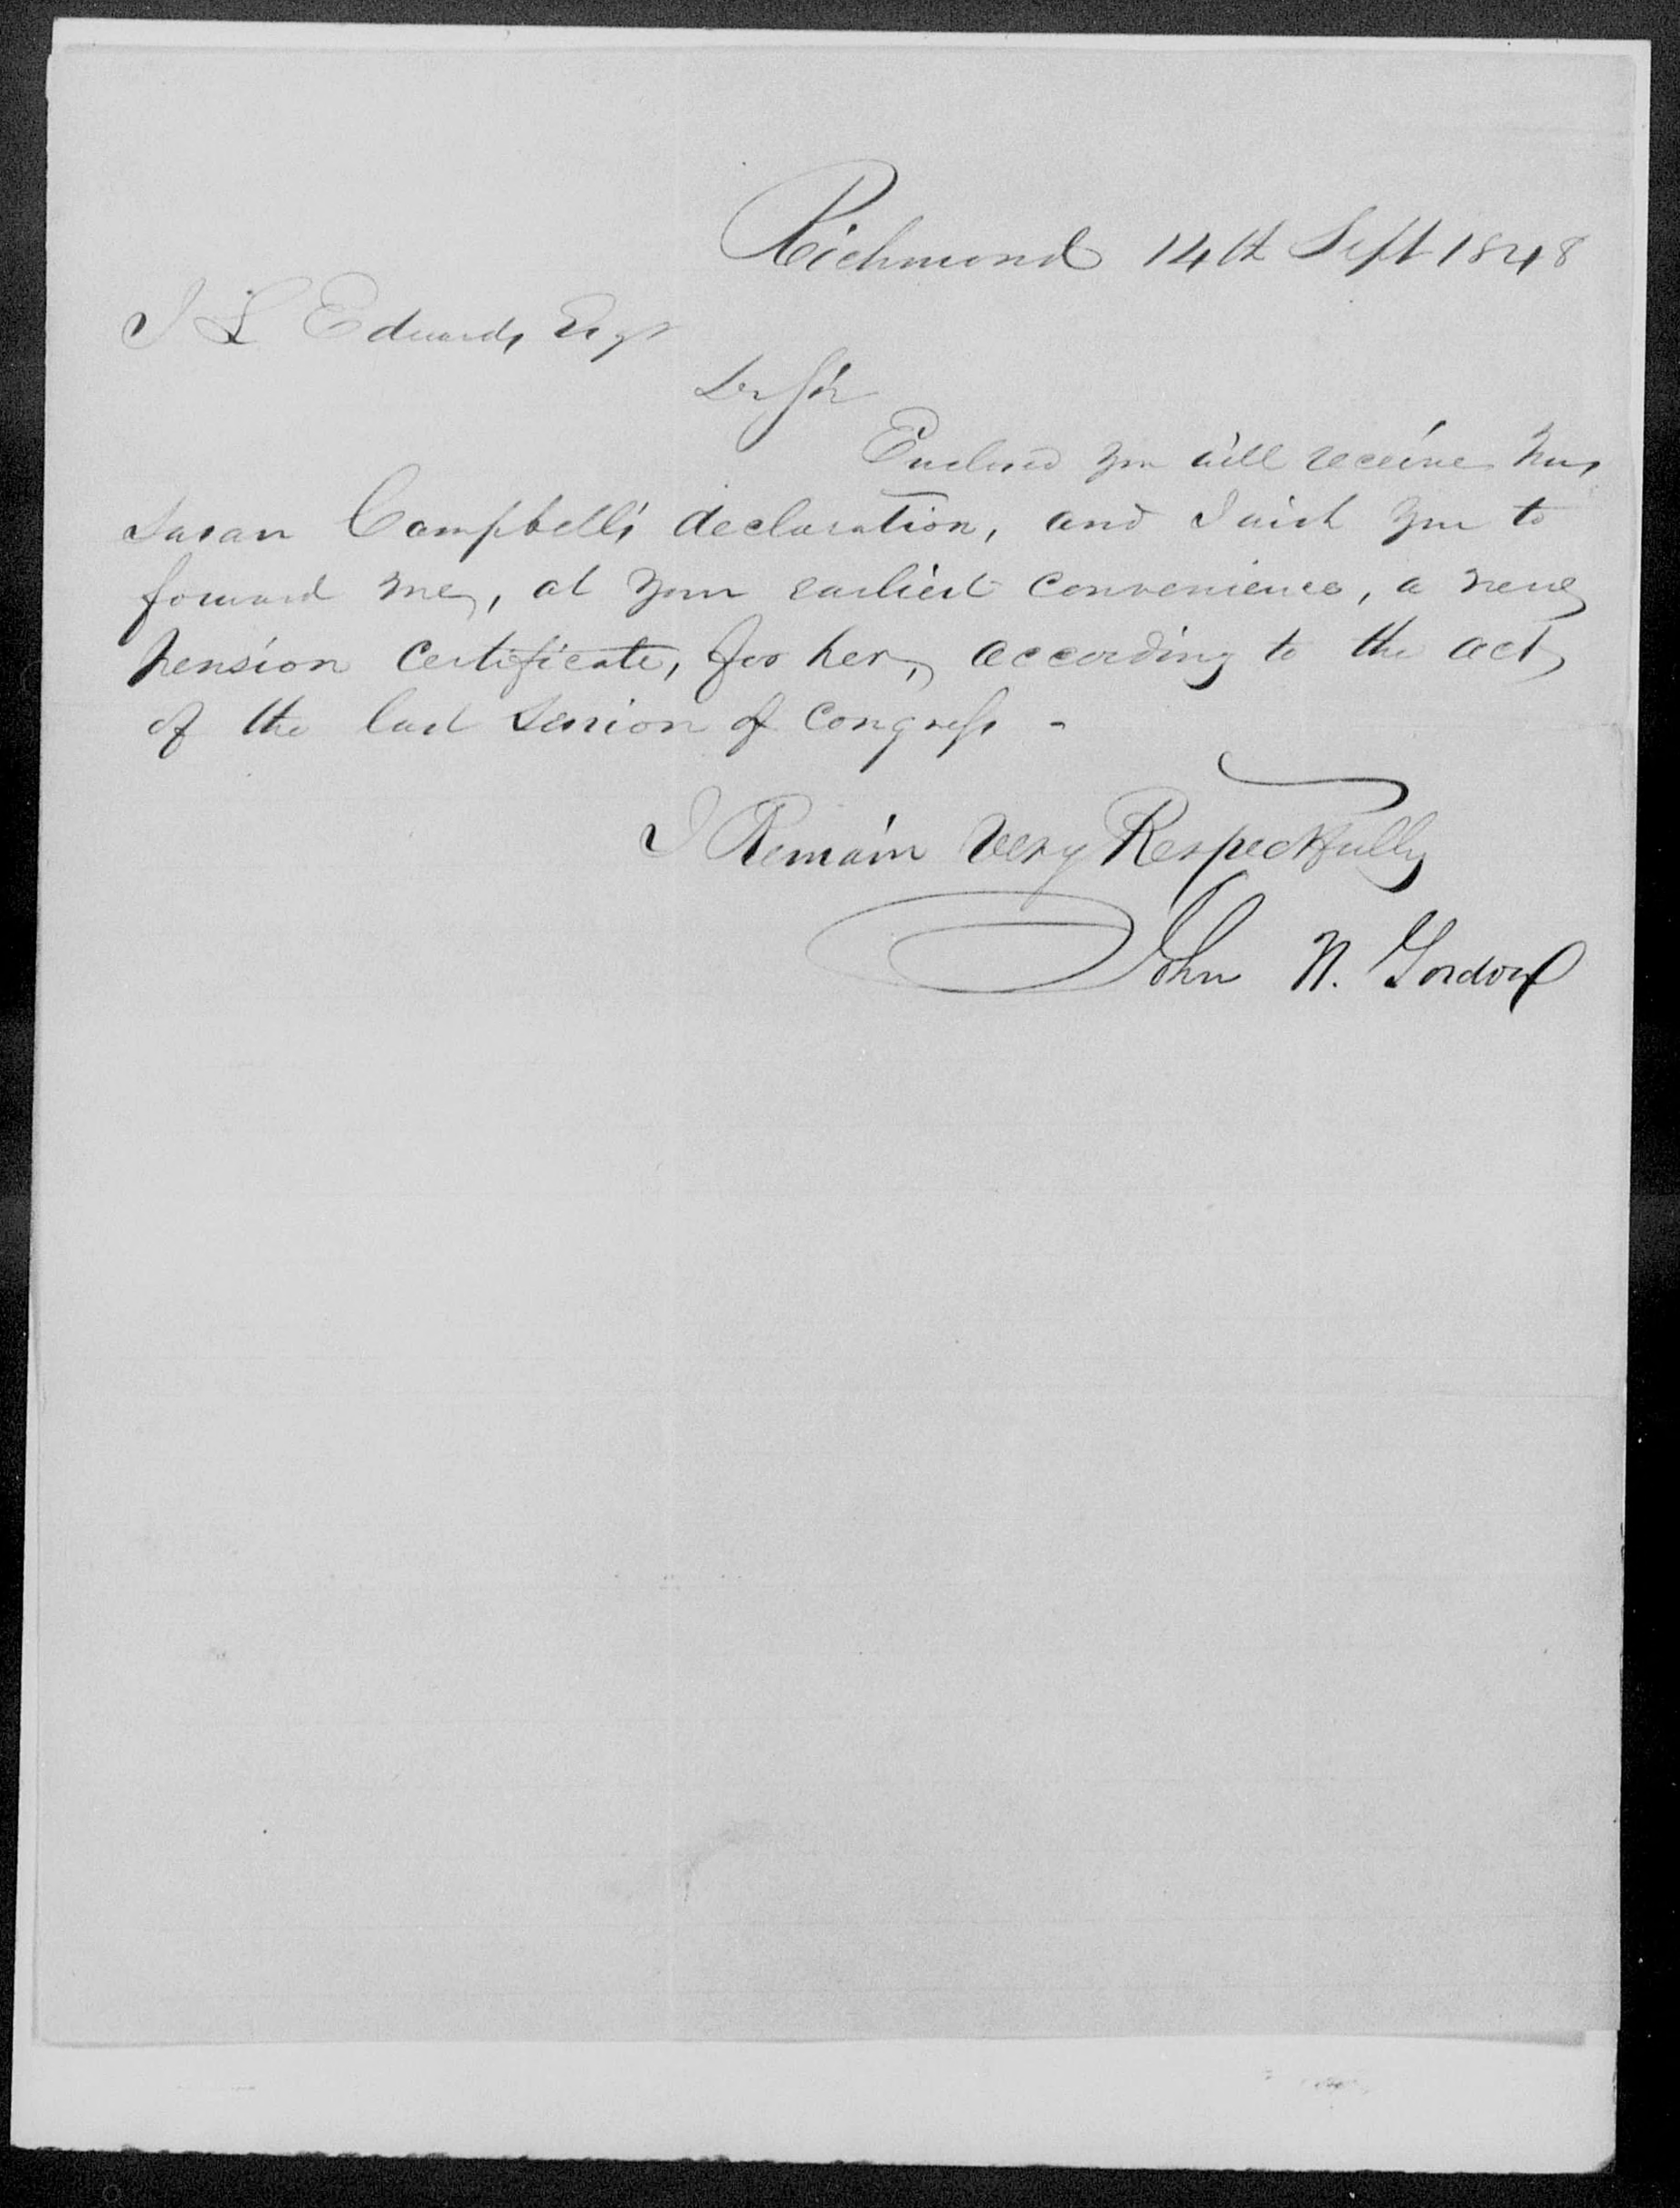Richmond 14th Sept 1848
J.L. Edwards Esq
Enclosed you will receive here Susan Campbell's declaration, and I  wish you to forward me, at your earliest convenience a new pension certificate, for her, according to the act of the last session of Congress.
I Remain Very Respectfully 
John S. Gordon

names: J L Edwards, Susan Campbell, John W Gordon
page: 199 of 267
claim: widow's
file: W. 4,149, William Campbell, Va.